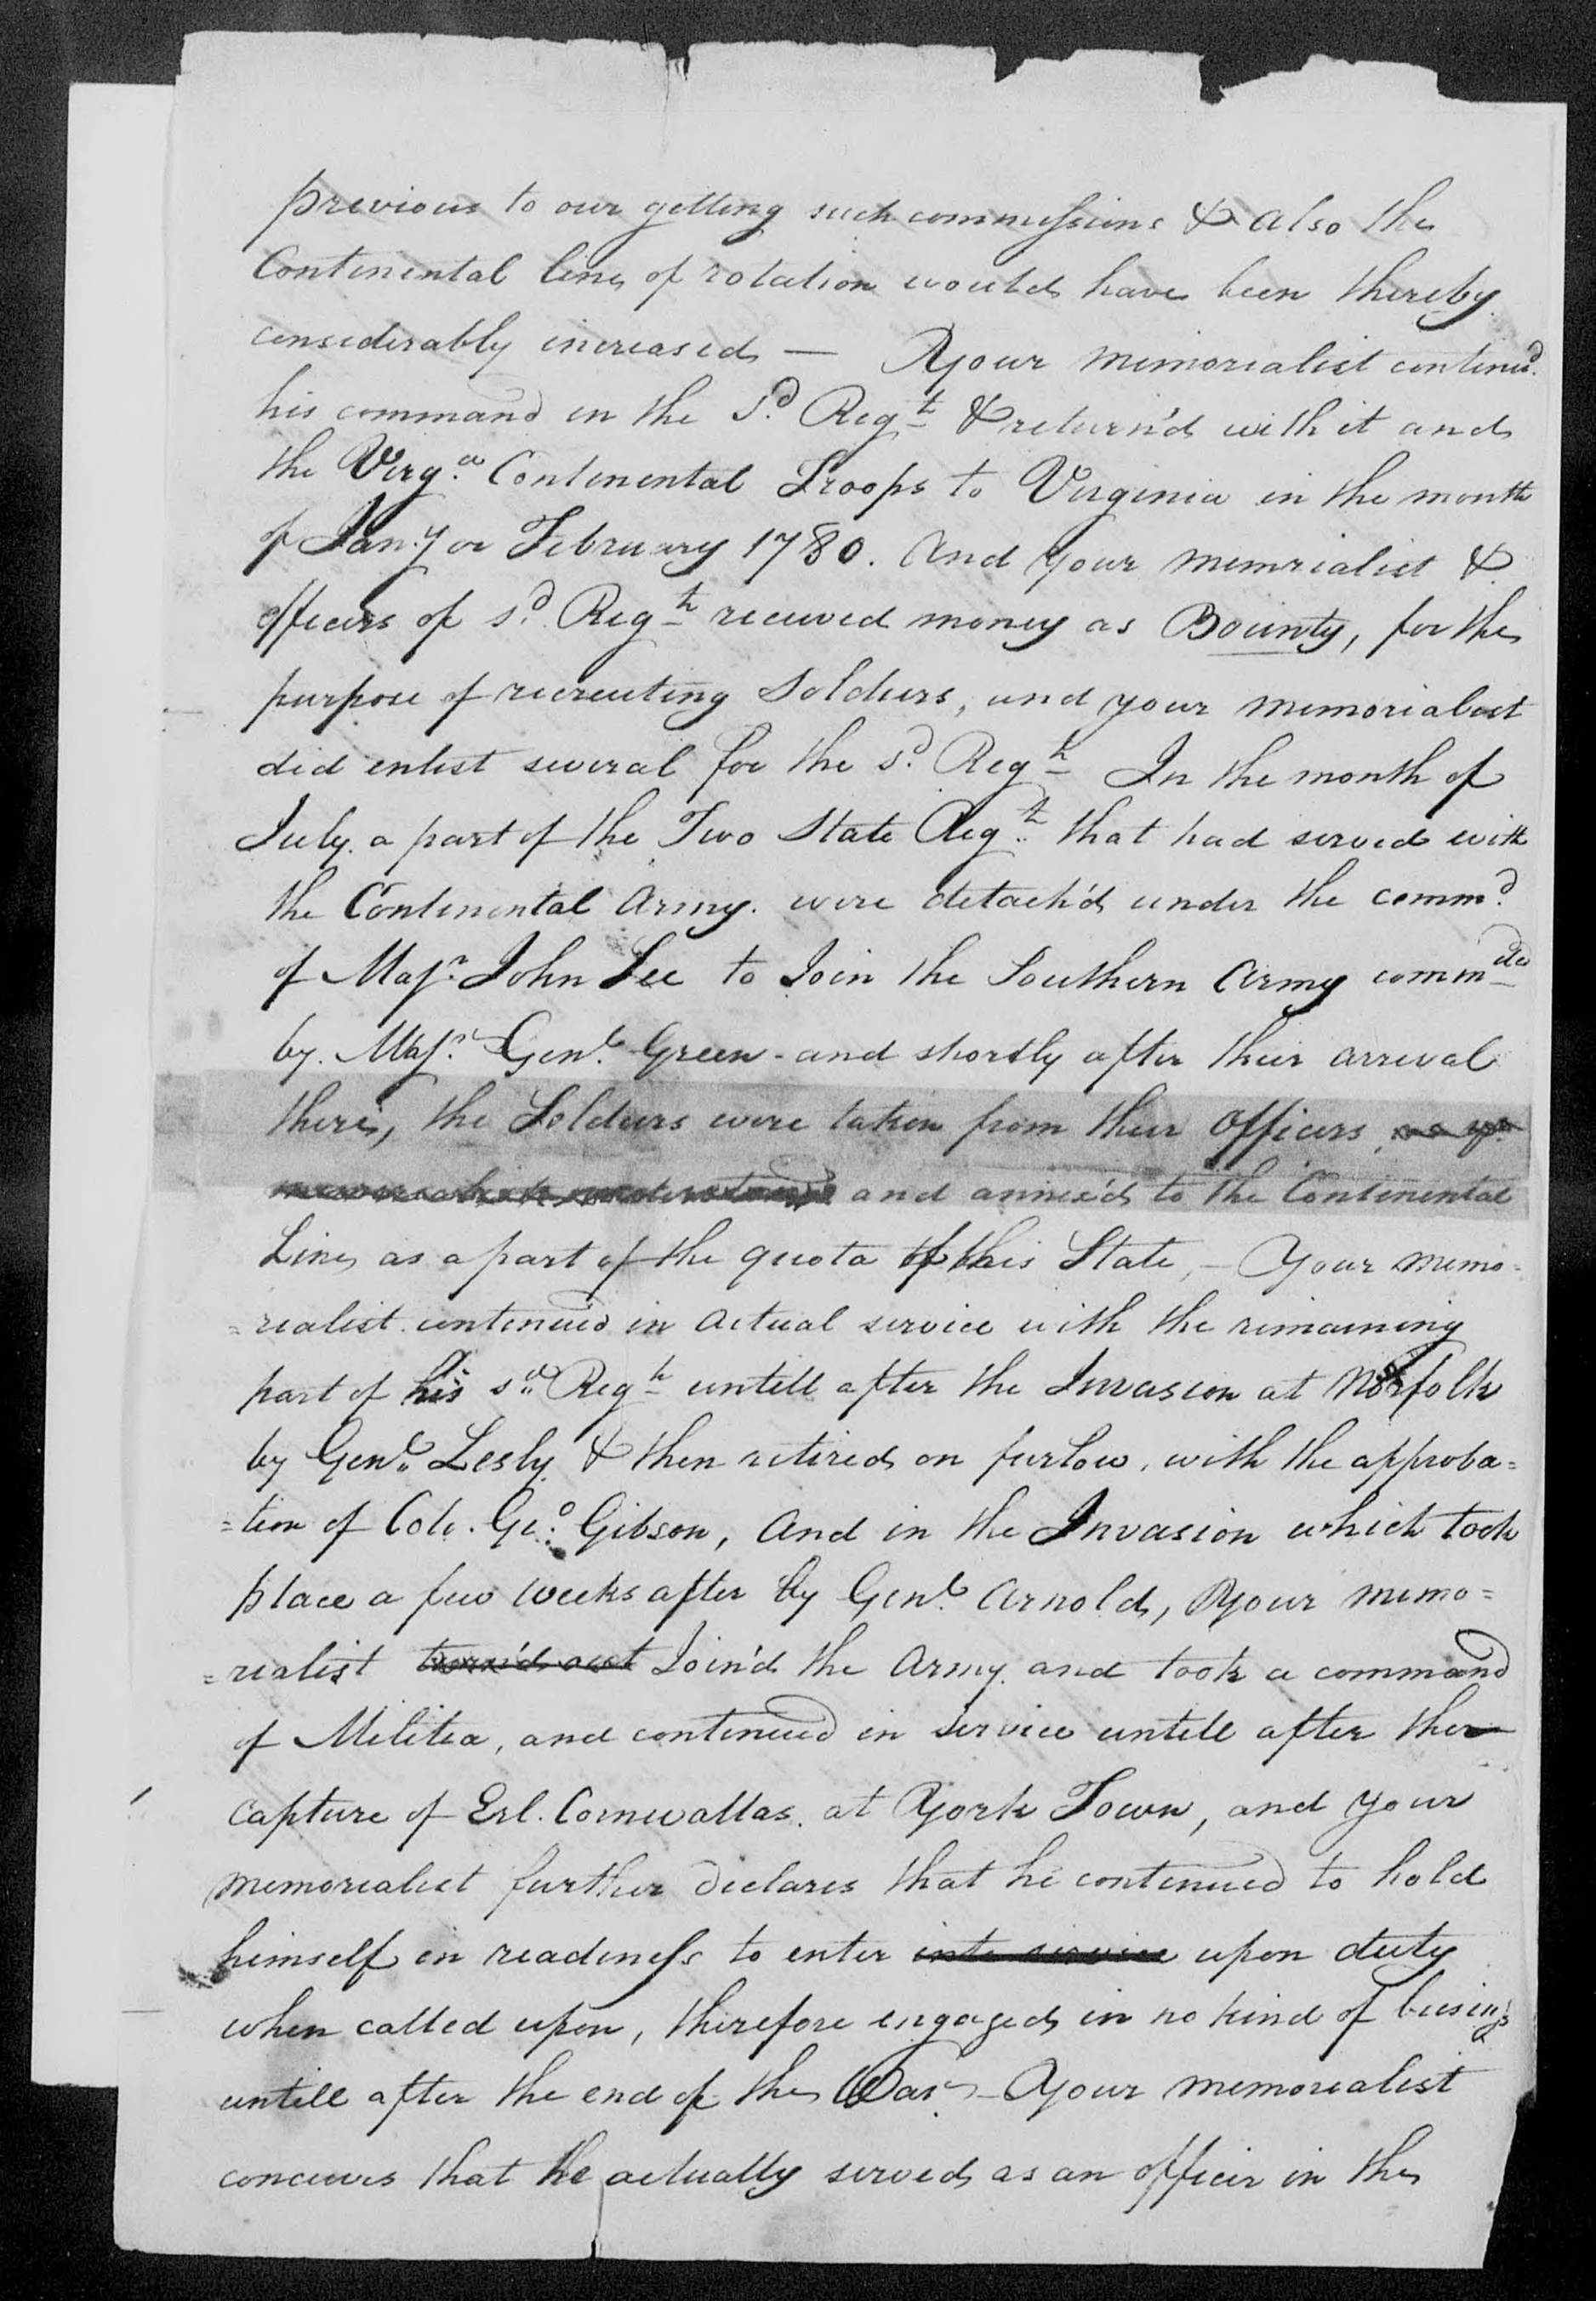previous to our getting such commissions +[and] also the Continental line of rotation would have been thereby immediately increased --- Your memorialist continu'd his command in the Sd. Regt. +[and] return'd with it and the Virga. Continental Troops to Virginia in the month of Jany. or February 1780. And your memorialist +[and] officers of sd. Regt. received money as Bounty [underlined], for the purpose of recruiting Soldiers, and your memorialist did enlist several for the sd. Regt. In the month of July. a part of the Two State Regt. that had served with the Continental Army. were detach'd under the commd. of Maj. John Lee to Join the Southern Army commded by Majr. Genl. Green - and shortly after their arrival there, the Soldiers were taken from their officers, [cross out of unintelligible phrase] and annexed to the Continental Lines as a part of the quota of this State, ___ Your memorialist continued in actual service with the remaining part of his sd. Regt. untill after the Invasion at Norfolk by Genl. Lesly +[and] then retired on furlow, with the approbation of Colo. Geo. Gibson, And in the Invasion which took place a few weeks after by Genl. Arnold, Your memorialist [cross out unintelligible two words] Joined the Army and took a command of Militia, and continued in Service untill after the capture of Erl. Cornwallas. at York Town, and your memorialist further declares that he continued to hold himself in readiness to enter [cross out] into service [cross out end] upon duty when called upon, therefore engaged in no kind of business untill after the end of the War. --- Your memorialist conceives that he actually served as an officer in the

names: John Lee, Green, Arnold, Lesly, Gibson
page: 103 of 267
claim: widow's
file: W. 4,149, William Campbell, Va.